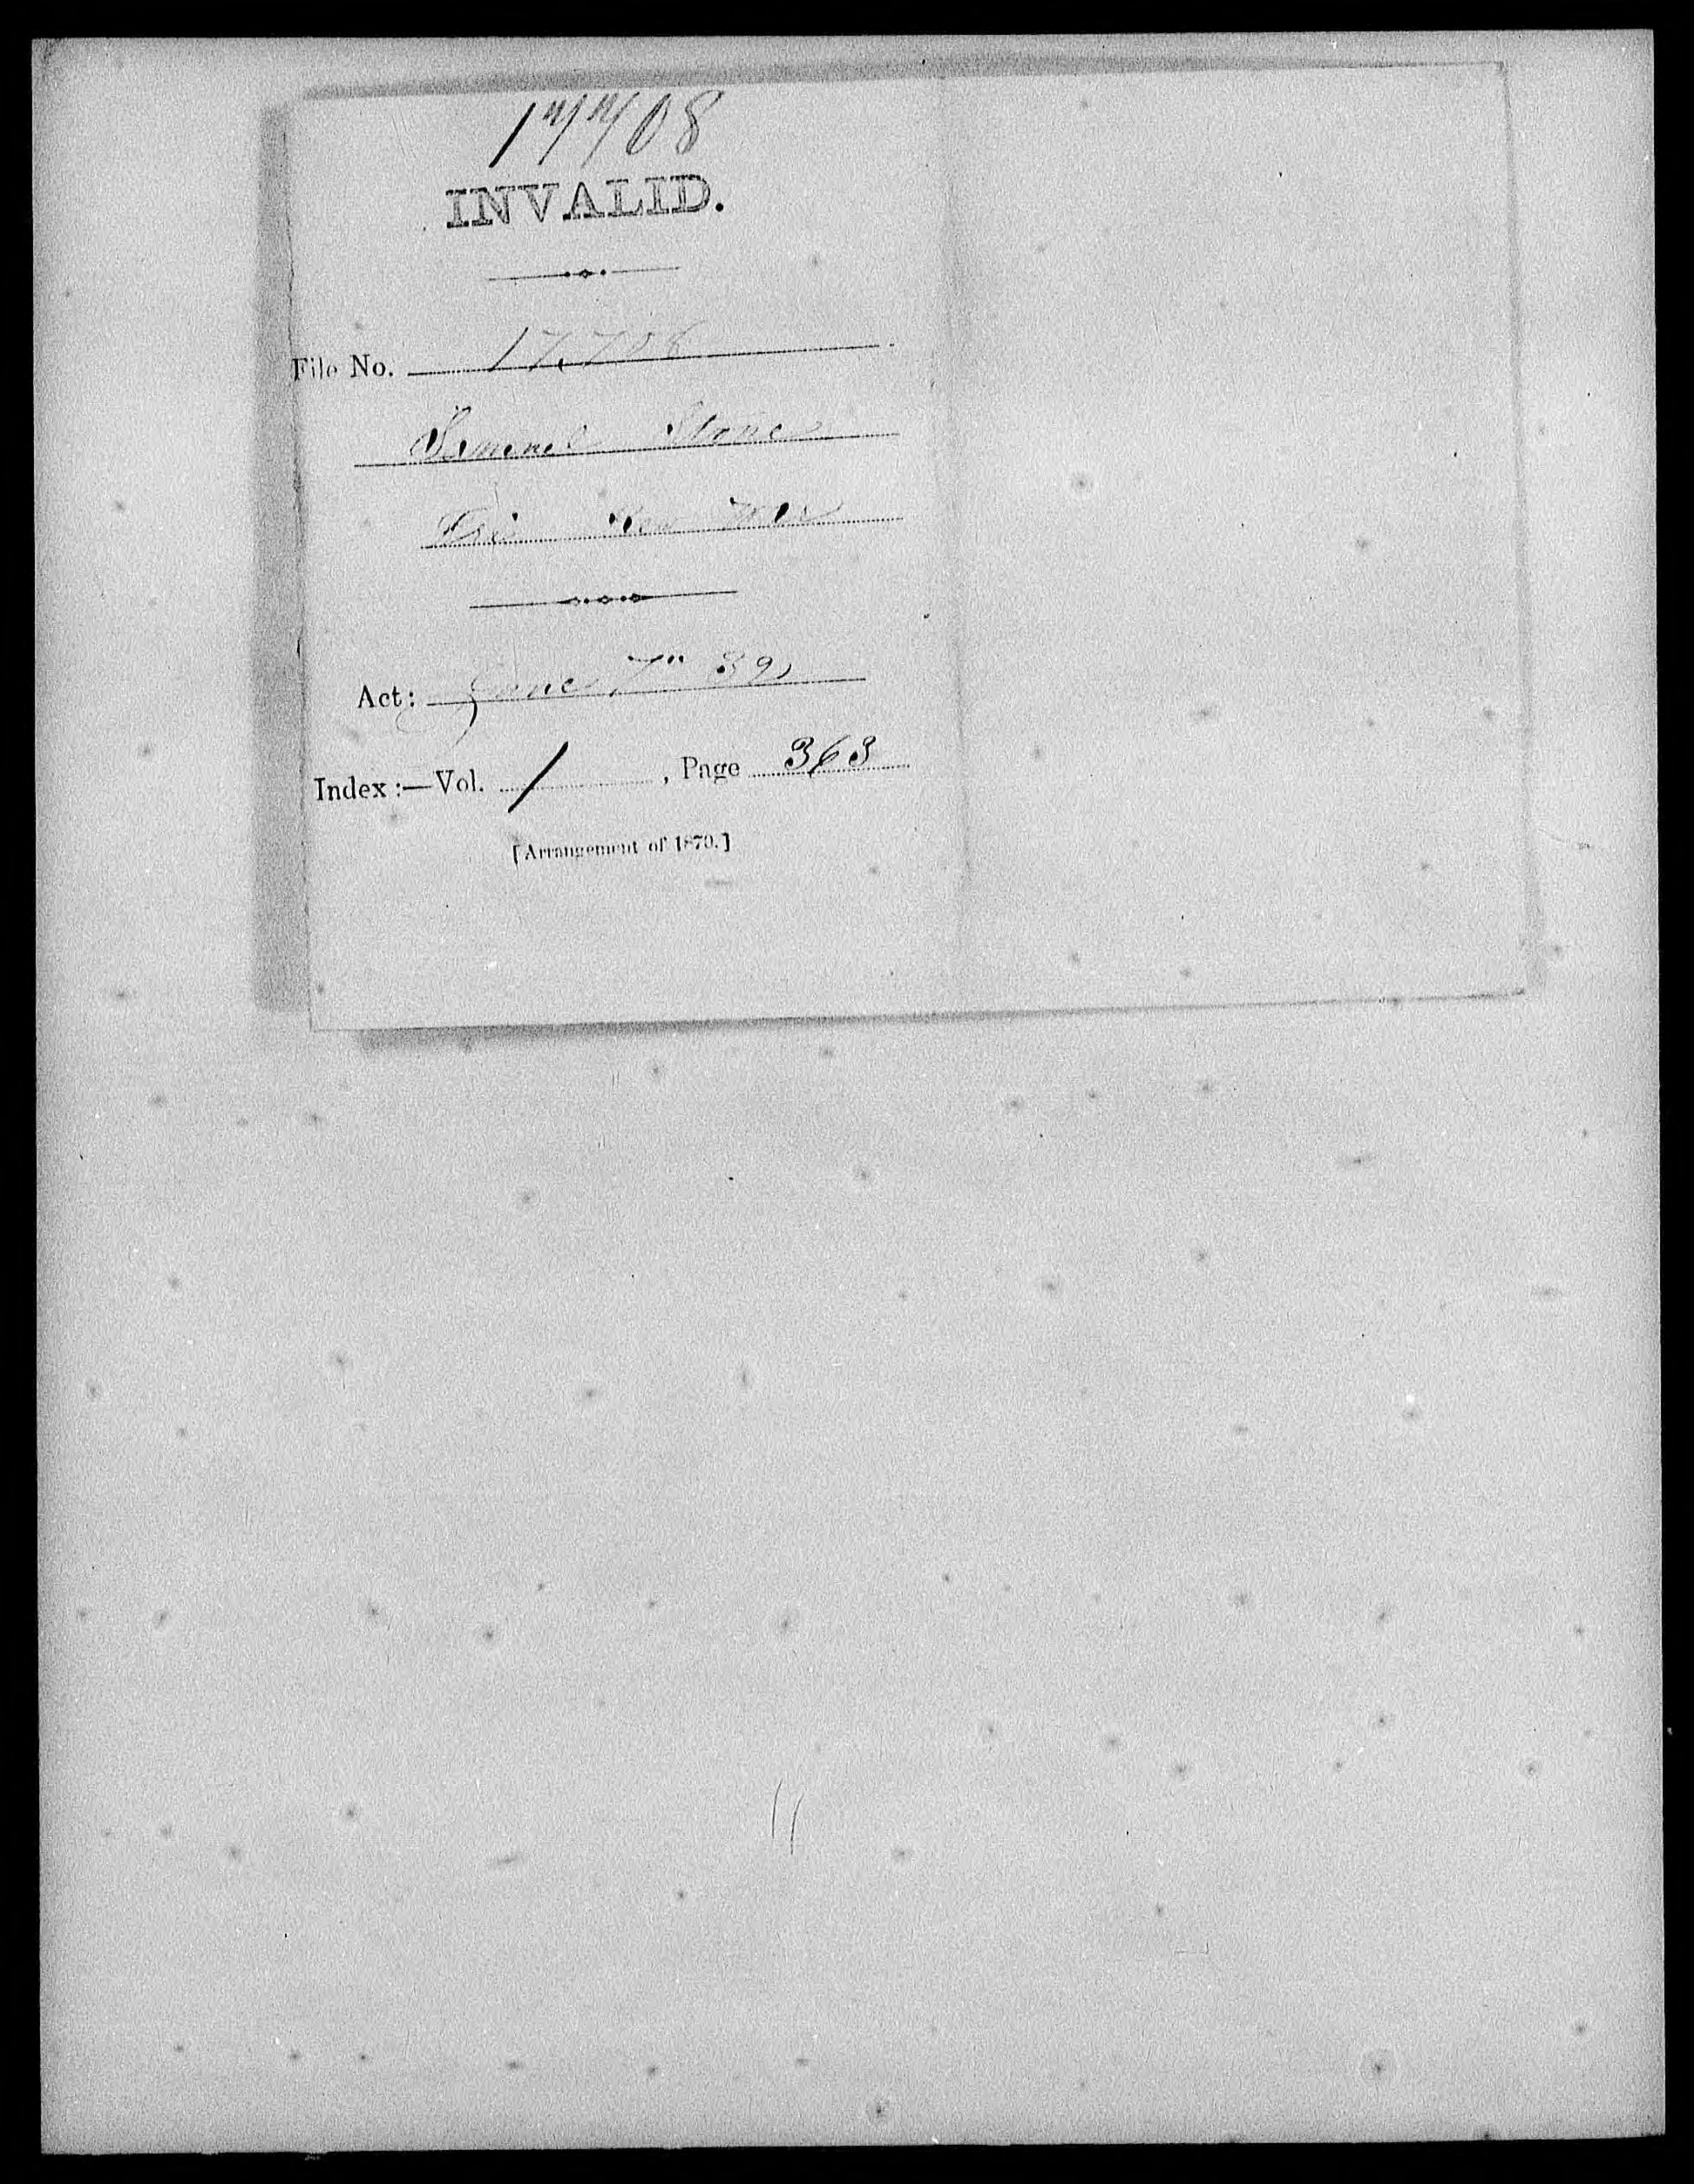17708
INVALID.

File No. 17,708
Samuel Stone 

Prvt. Rev. War

Act: June 7th 32


Index: -- Vol. 1 , Page 363

[Arrangement of 1870]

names: Samuel Stone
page: 2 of 10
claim: survivor's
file: S. 17,708, for Samuel Stone, Connecticut